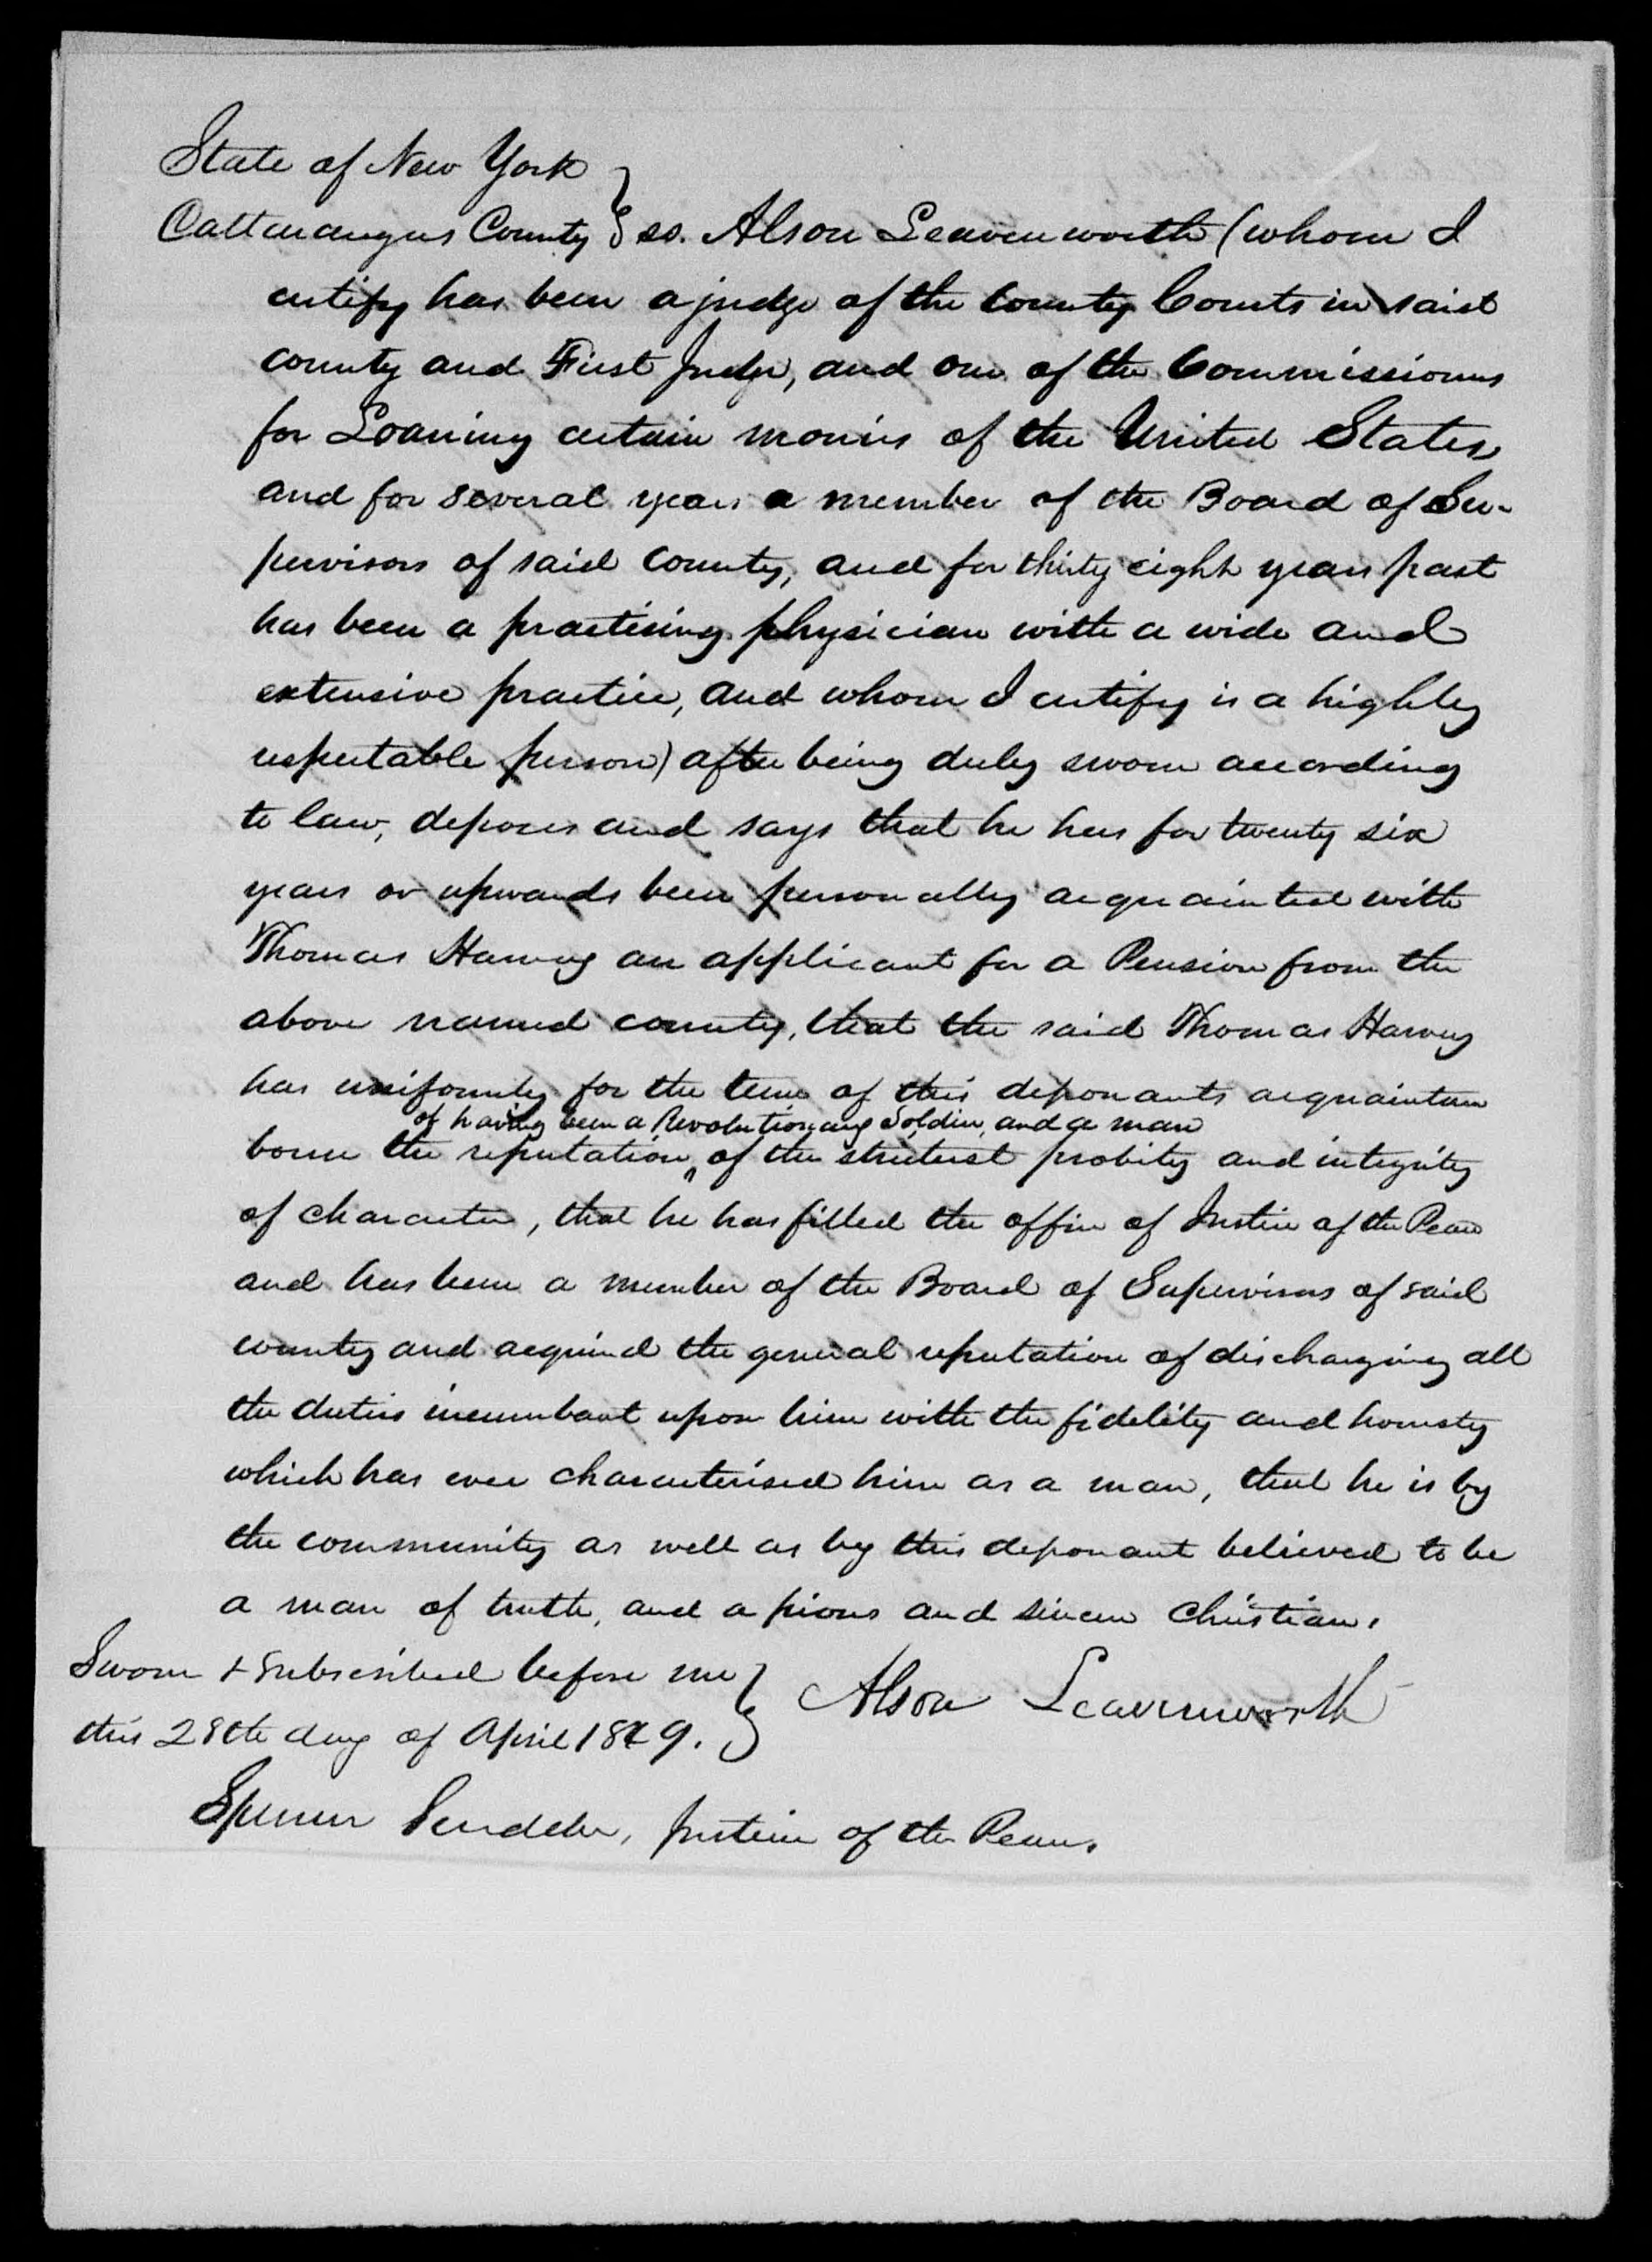State of New York
Cattaraugus County}ss. Alson Leavenworth (whom I certify has been a judge of the County Courts in said county and First Judge, and one of the Commissioners of Loaning certain monies of the United States and for several years a member of the Board of Supervisors of said County, and for thirty eight years past has been a practising physician with a wide and extensive practice, and whom I certify is a highly respectable person) after being duly sworn according to law, deposes and says that he has for twenty six years or upwards been personally acquainted with Thomas Harvey an applicant for a Pension from the above named county, that the said Thomas Harvey has uniformly for the time of this deponant's acquaintance borne the reputation of having been a Revolutionary Soldier, and a man of the strictest probity and integrity of character, that he filled the office of Justice of the Peace and has been a member of the Board of Supervisors of said county and acquired the general reputation of discharging all the duties incumbant upon him with the fidelity and honesty which has ever characterised him as a man, that he is by the community as well as by the deponant believed to be a man of truth, and a pious and sincere christian. 
/s/Alson Leavenworth
Sworn & subscribed before me this 28th day of April 1849.}
/s/Spencer Scudder, Justice of the Peace.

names: Thomas Harvey, Thomas Harvey, Alson Leavenworth, Spencer Scudder, Alson Leavenworth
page: 61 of 80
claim: survivor's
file: S. 18008, Thomas Harvey, N.H.